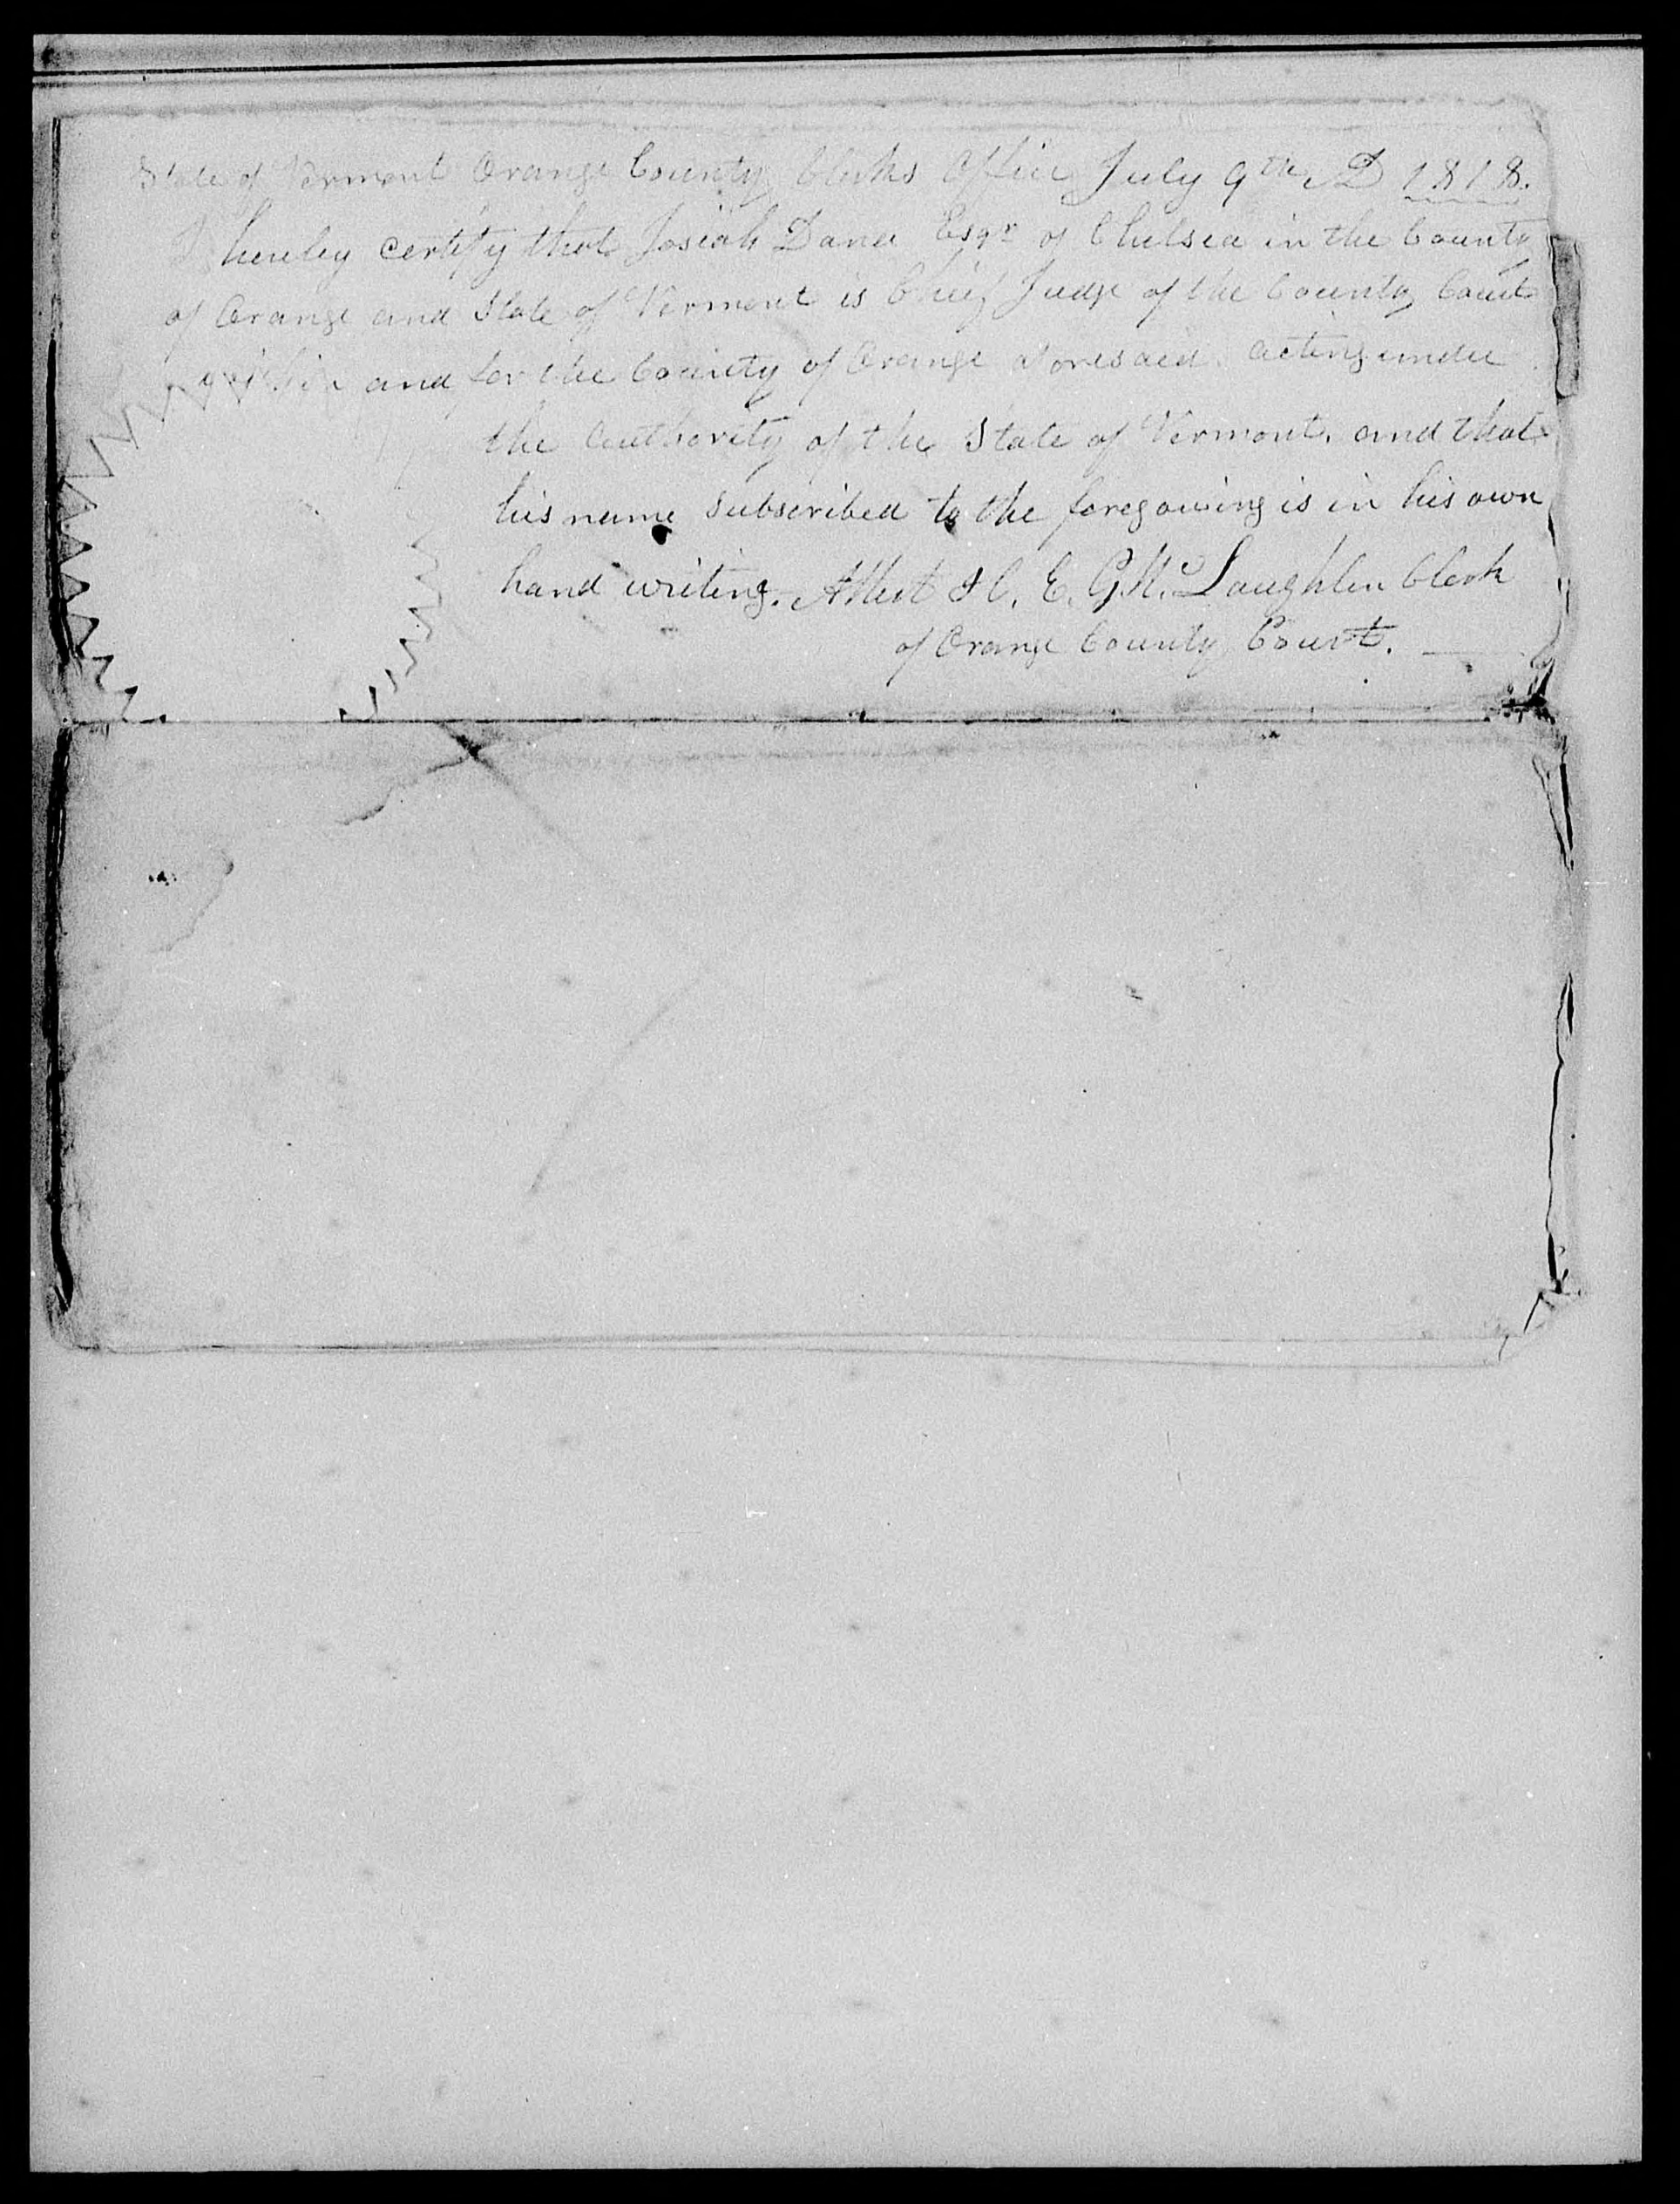State of Vermont  Orange County Clerks Office
July 9th AD 1818.

I hereby certify that Josiah Dana Esqr of Chelsea in the County of Orange and State of Vermont is Chief Judge of the County Court within and for the County of Orange aforesaid acting under the Authority of the State of Vermont and that his name subscribed to the foregoing is in his own hand writing.  Attest H.E.G. McLaughlin Clerk of Orange County Court.

[illegible seal affixed to the left of the above paragraph]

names: Josiah Dana; H E G Mc Laughlin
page: 7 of 38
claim: survivor's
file: S. 43181, for Ezekiel Stone, New Hampshire